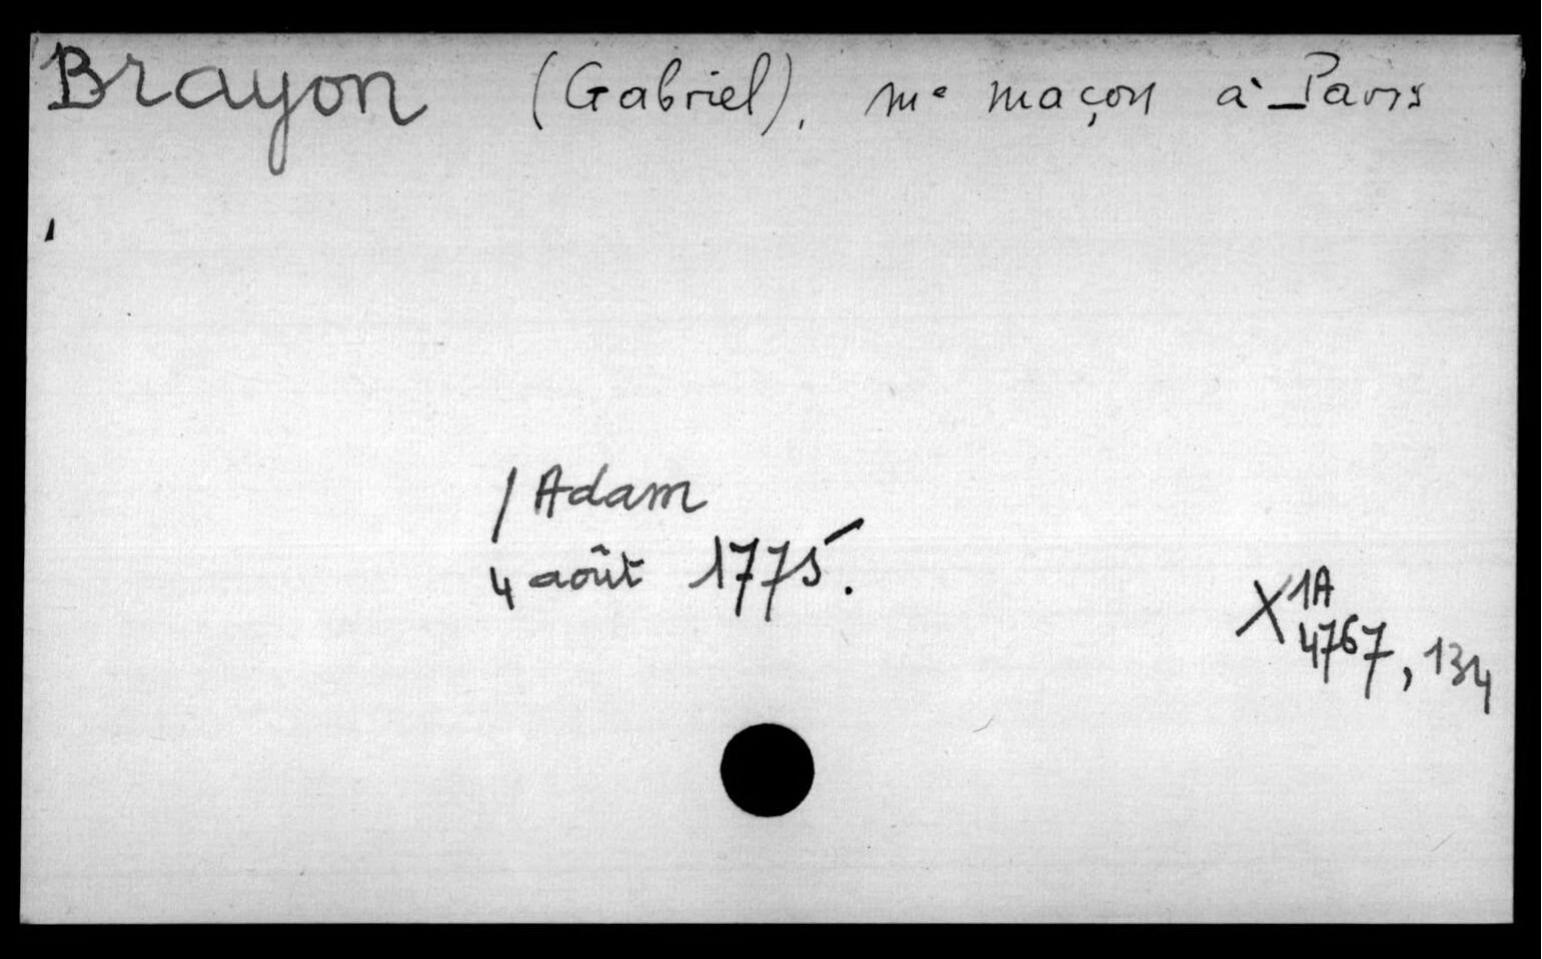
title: BRAYON (Gabriel), maître maçon à Paris
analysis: Contre Adam
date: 4 août 1775
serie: X1A
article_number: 4767
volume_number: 134
